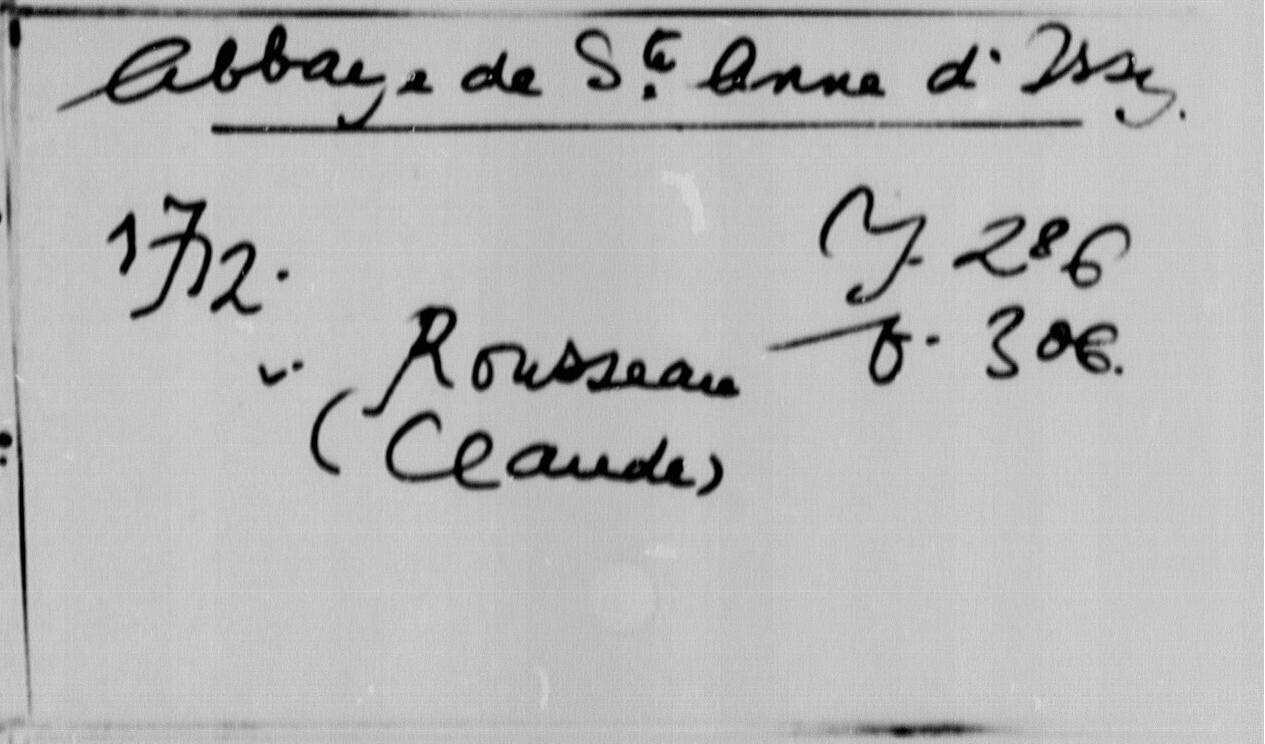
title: Abbaye de Sainte Anne d'Issy
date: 1712
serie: Y
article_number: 286
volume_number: folio 306
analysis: Voir Rousseau (Claude)
